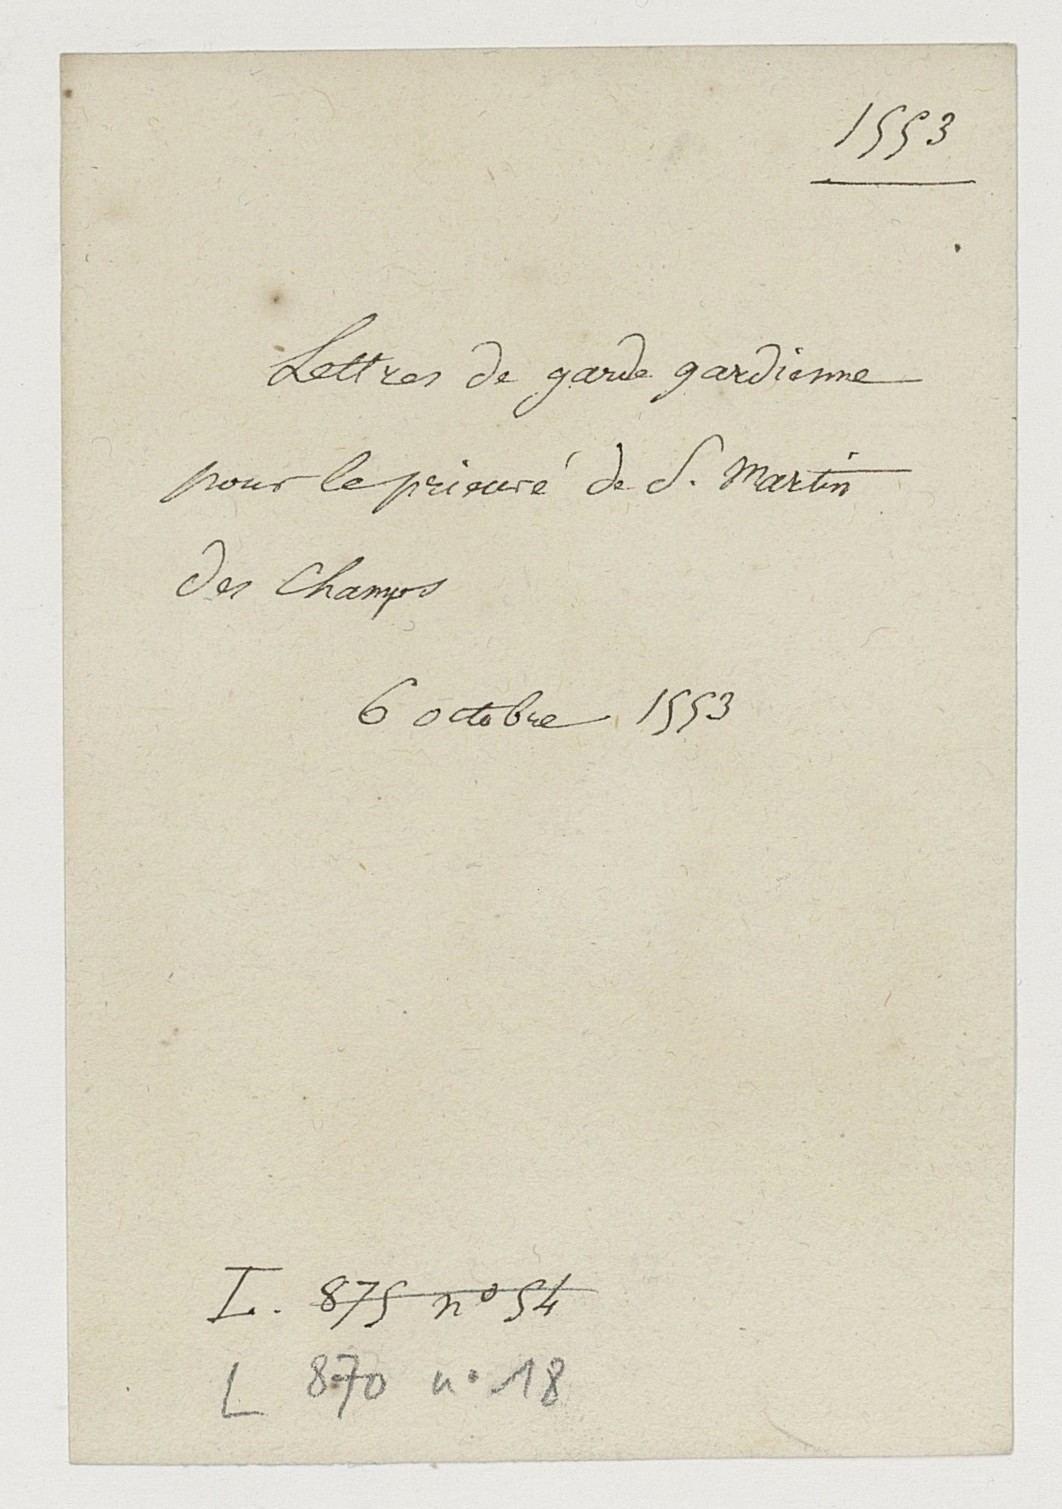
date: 1553
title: Lettres de garde gardienne pour le prieuré de Saint-Martin des Champs
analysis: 6 octobre 1553
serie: L
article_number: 870
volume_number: n° 18
